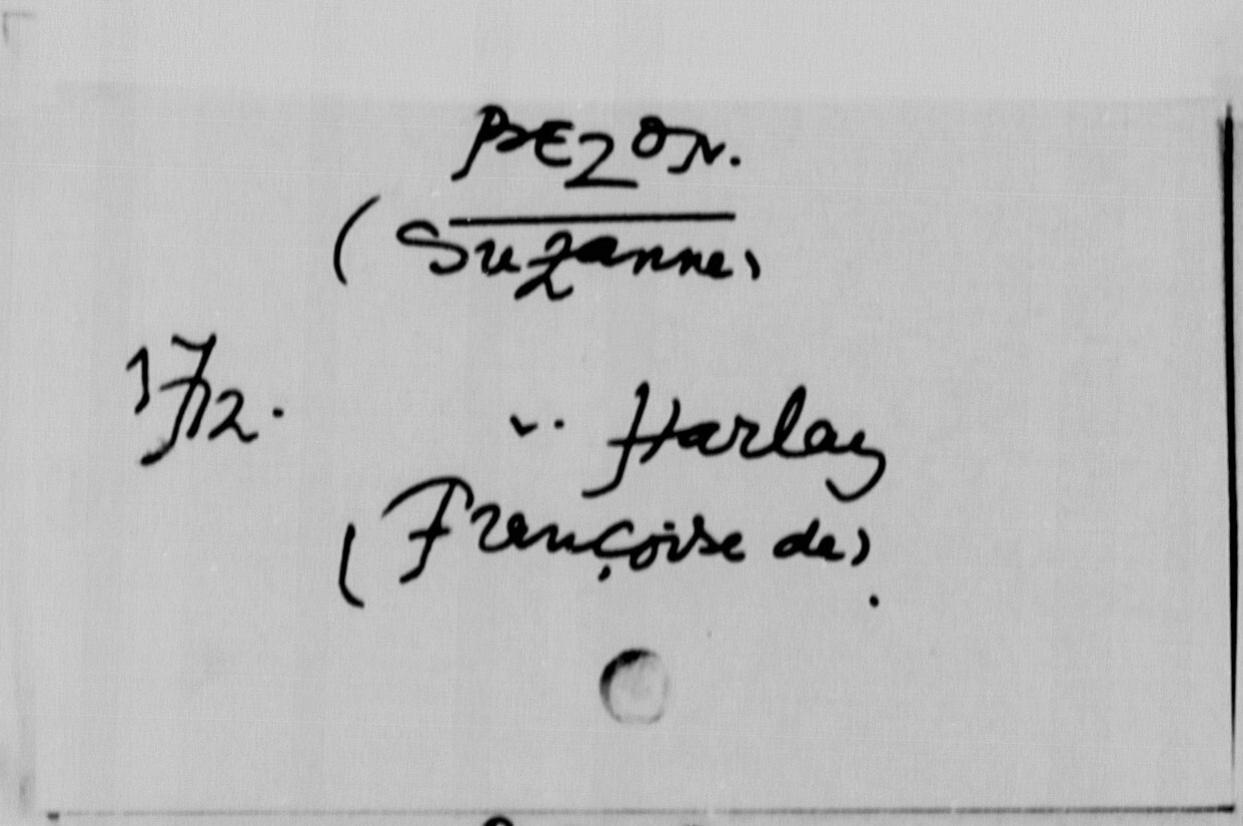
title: BEZON (Suzanne)
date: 1712
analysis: Voir HARLAY (Françoise de)
